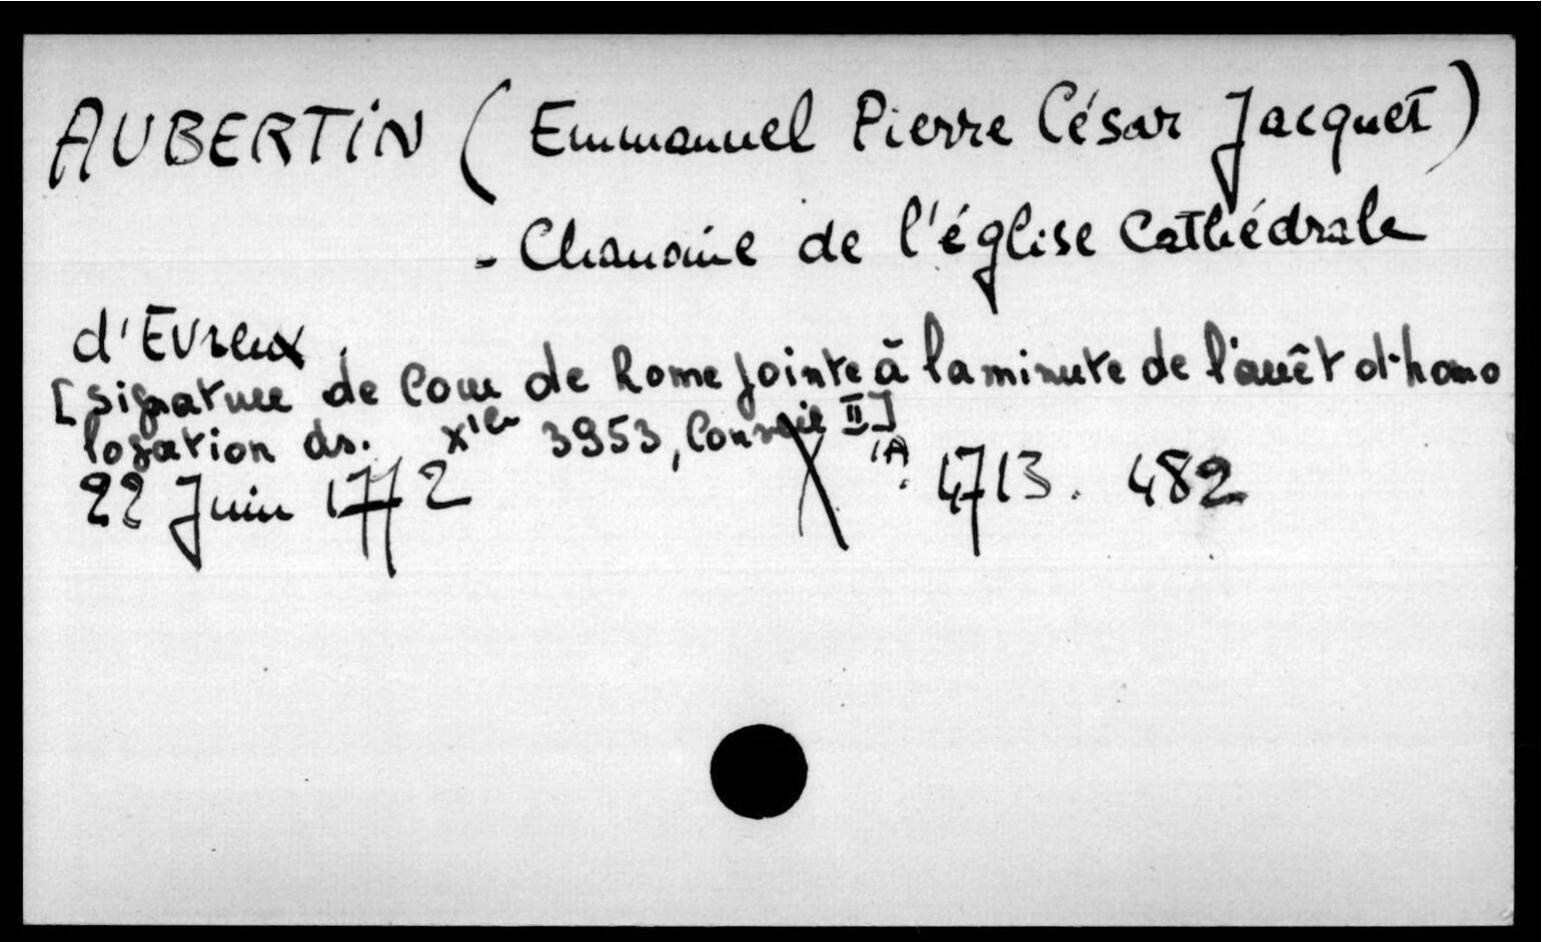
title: AUBERTIN (Emmanuel Pierre César Jacquet) - Chanoine de l'église cathédrale d'Évreux [Signature de Cour de Rome jointe à l minute de l'arrêt d'homologation dans X1b 3953, conseil II]
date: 22 juin 1772
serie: X1A
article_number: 4713
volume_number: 482
